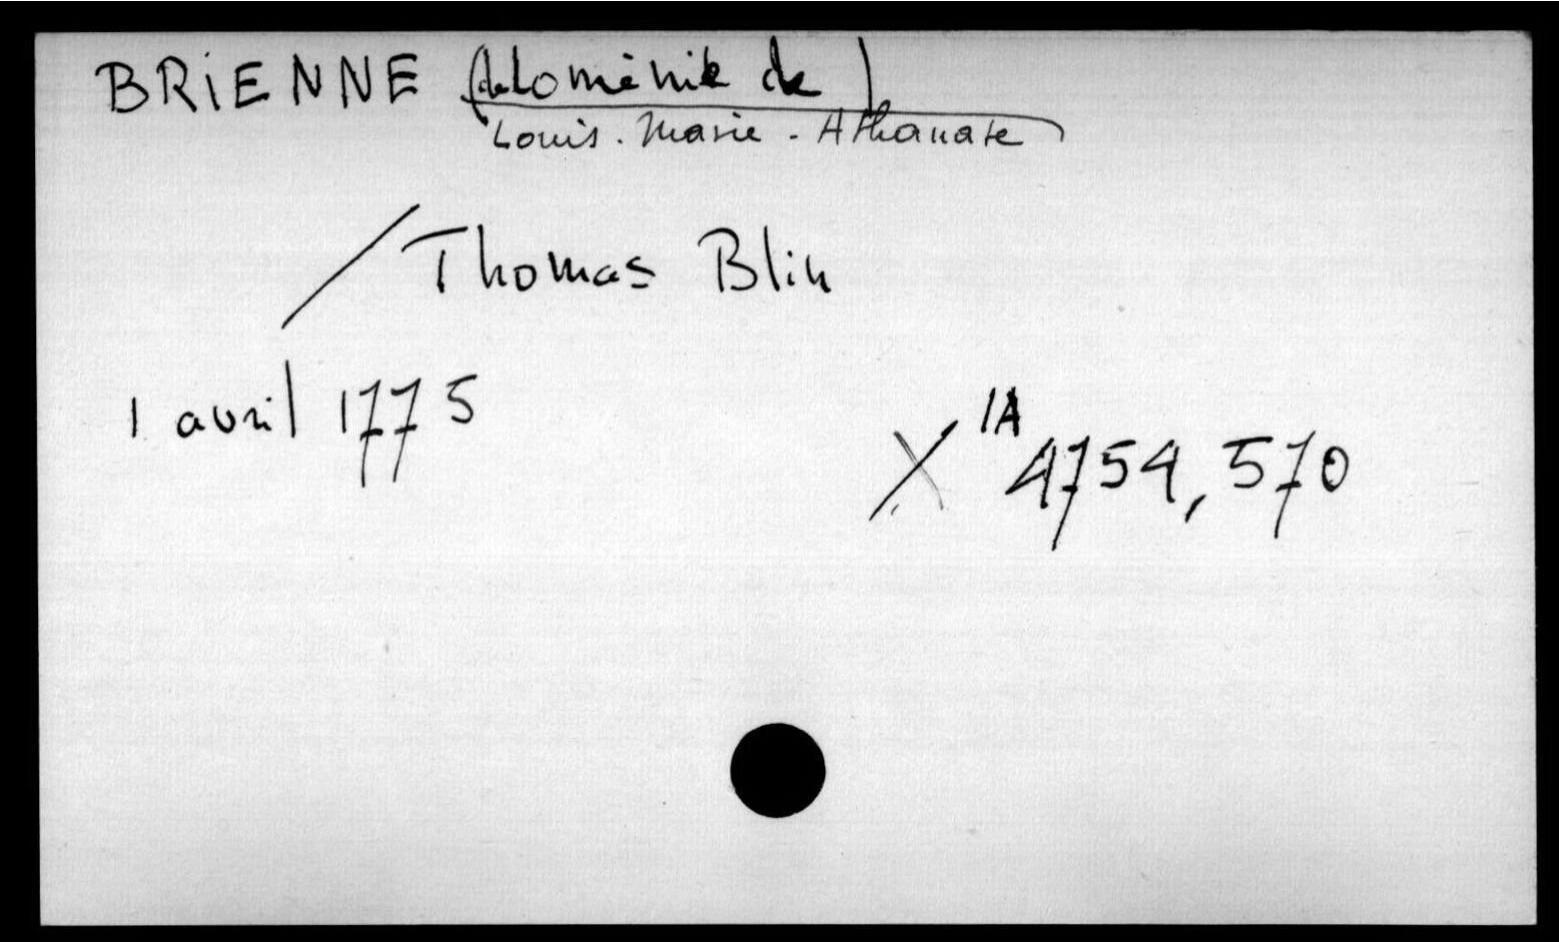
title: BRIENNE (Louis-Marie-Athanase de Loménie de)
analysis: Contre Thomas Blin
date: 1 avril 1775
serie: X1A
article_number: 4754
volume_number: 570
